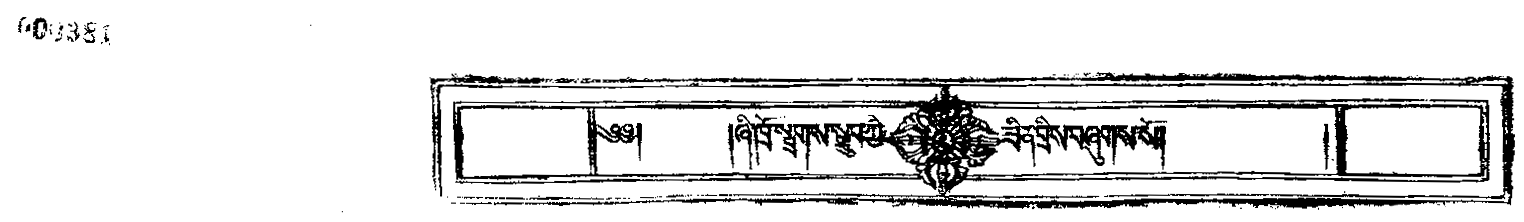༄༅། །ཞི་ཁྲོ་སྦྲགས་སྒྲུབ་ཀྱི་ཟིན་བྲིས་བཞུགས་སོ། །